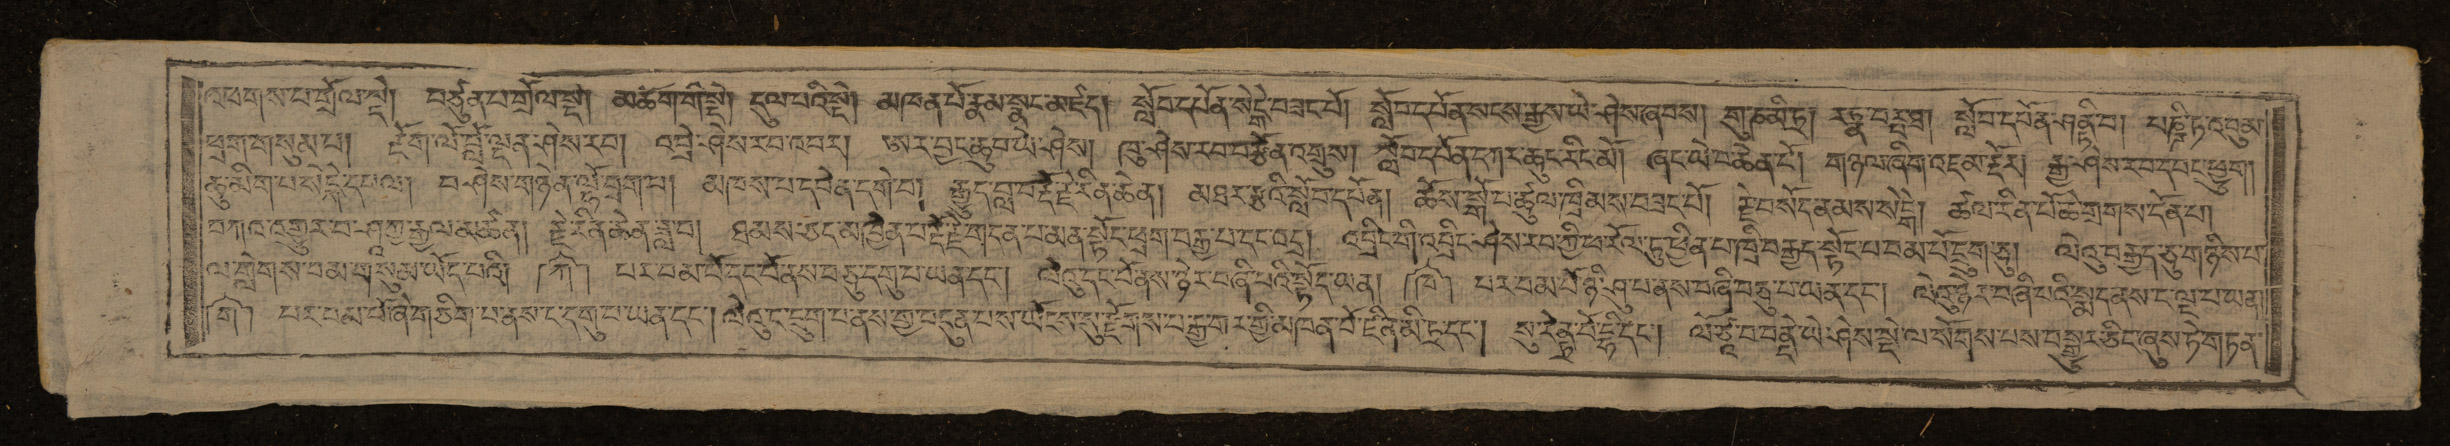འཕགས་པ་གྲོལ་སྡེ། བཙུན་པ་གྲོལ་སྡེ། མཆོག་གི་སྡེ། དུལ་པའི་སྡེ། མཁན་པོ་རྣམ་སྣང་མཛད། སློབ་དཔོན་ན་སེངྒེ་བཟང་པོ། སློབ་དཔོན་སངས་རྒྱས་ཡེ་ཤེས་ཞབས། གུ་ཎ་མི་ཏྲ། རཏྣ་བ་རྦ་ཐ། སློབ་དཔོན་ཤནྟི་བ། བཎྜི་ཏ་འབུམ་
ཕྲག་གསུམ་པ། རྡོག་ལོ་བློ་ལྡན་ཤེས་རབ། འབྲེ་ཤེས་རབ་འབར། ཨར་བྱང་ཆུབ་ཡེ་ཤེས། ཁུ་ཤེས་རབ་བརྩོན་འགྲུས། སློབ་དཔོན་དཀར་ཆུང་རིང་མོ། ཞང་ཡེ་བ་ཆེན་པོ། གཉལ་ཞིག་འཇམ་རྔོར། རྒྱ་ཤེས་རབ་དབང་ཕྱུག།
ཆུ་མིག་པ་སེངྒེ་དཔལ། བཤེས་གཉེན་ལྷོ་བྲག་པ། མཁས་པ་དཔེན་དགེ་པ། རྒྱུད་བླ་བ་རྡོ་རྗེ་རིན་ཆེན། མཐར་རྩའི་སློབ་དཔོན། ཆོས་སྒོ་བ་ཚུལ་ཁྲིམས་བཟང་པོ། རྗེ་བསོད་ནམས་སེངེག། ཚལ་རིན་པོ་ཆེ་གྲགས་དོན་པ།
བཀའ་འགྱུར་བ་ཤཱཀྱ་རྒྱལ་མཚན། རྗེ་རིན་ཆེན་ཟླ་བ། ཐམས་ཅད་མཁྱེན་པ་རྡོ་རྗེ་གདན་པ་མ་ན་སྟོང་ཕྲག་བརྒྱ་བ་དང་བྲ། འབྲིང་གི་འབྲིང་ཤེས་རབ་ཀྱི་ཕ་རོལ་ཏུ་ཕྱིན་པ་ཁྲི་བརྒྱད་སྟོང་བ་བམ་པོ་དྲུག་ནུ། ལེའུ་བརྒྱད་ཅུ་གཉིས་པ་
ལ་གླེགས་བམ་གསུམ་ཡོད་པའི། {ཀ}་བར་བམ་པོ་དང་བོ་ནས་བཅུ་དགུ་བ་ཡན་དང་། ལེའུ་དང་བོ་ནས་ཉེར་བཞི་བའི་སྟོད་ཡན། {ཁ}་བར་བམ་པོ་ཉི་ཤུ་པ་ནས་བཞི་བཅུ་པ་ཡན་དང་། ལེའུ་ཉེར་བཞི་པའི་སྨད་ནས་ང་ལྔ་བ་ཡན་
{ང}་བར་བམ་བོ་ཞེ་གཅིག་པ་ནས་ད་དགུ་པ་ཡན་དང་། ལེའུ་ད་དྲུག་པ་ནས་གྱ་བདུན་པས་ཡོངས་སུ་རྫོགས་བརྒྱ་གར་གྱི་མཁན་པོ་ཛིན་མི་ཏྲ་དང་། སུ་རེ་ནྟྲ་པོ་དྷི་དང་། ལོ་ཙཱ་བ་བནྡེ་ཡེ་ཤེས་སྡེ་ལ་སོགས་པས་བསྒྱུ་སིང་ཞུས་ཏ་གཏན་